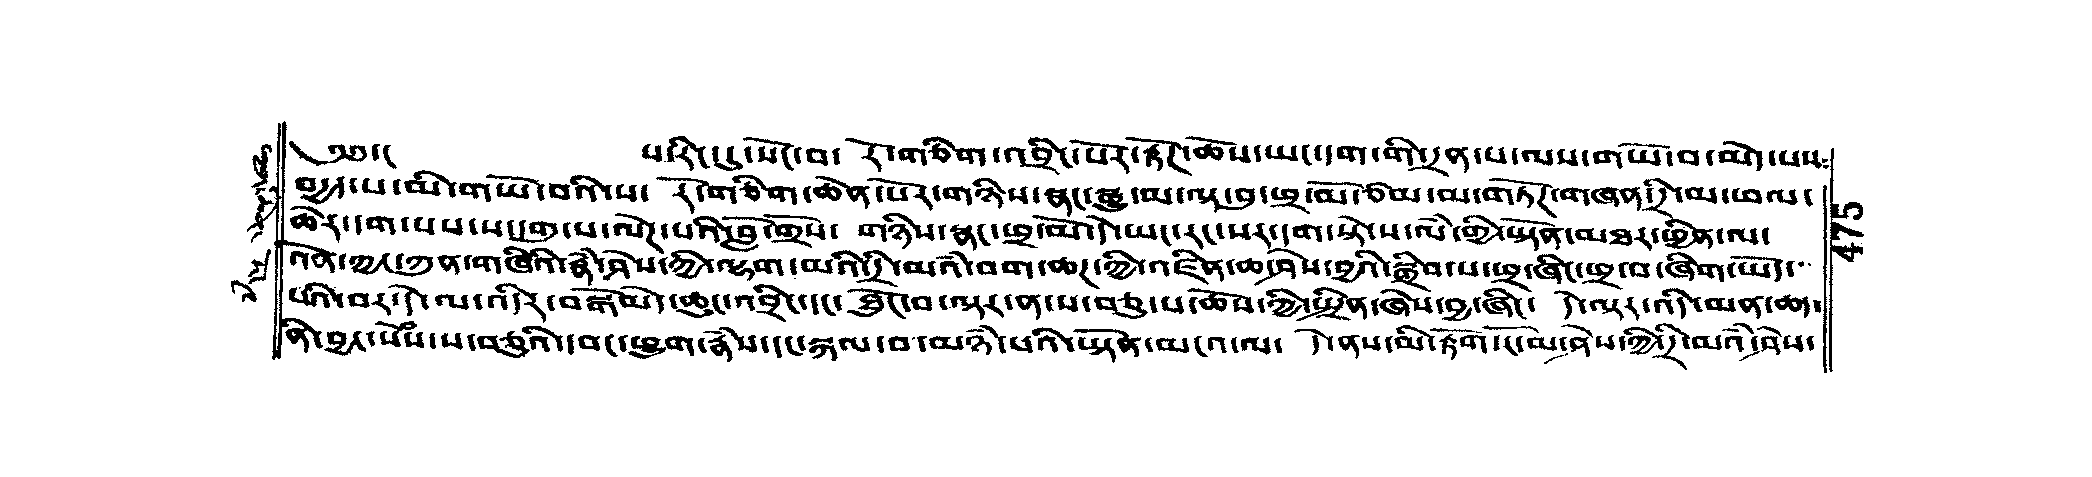པ་རིང་དུ་སོང་བ། རོ་གཅིག་འབྲིང་པོར་རྟོགས་ཆོས་ཡང་དག་གི་དྲན་པ་ལས་གཡོ་བ་མེད་པས་
བརྒྱད་པ་མི་གཡོ་བའི་ས། རོ་གཅིག་ཆེན་པོར་གཉིས་སྣང་སྒྱུ་མ་ལྟ་བུ་ཕྲ་མོ་ཙམ་མ་གཏོགས་གཞན་དྲི་མ་ཕལ་
ཆེར་དག་པས་ས་དགུ་པ་ལེགས་པའི་བློ་གྲོས། གཉིས་སྣང་ཕྲ་མོ་དེ་ཡང་རང་སར་དག་སྟེ་ས་ལམ་གྱི་ཡོན་ཏན་མཐར་ཕྱིན་ལ། 
འོན་ཀྱང་ཀུན་གཞིའི་རྣམ་ཤེས་ཀྱི་ལྷག་མའི་དྲི་མའམ་བག་ཆགས་ཀྱི་འཛིན་ཆ་ཤེས་བྱའི་སྒྲིབ་པ་ཕྲ་ཞིང་ཕྲ་བ་ཞིག་ཡོད་
པའི་བར་དེ་ལ་འདིར་སྒོམ་མེད་ཆུང་འབྲིང་དང་། ཐུན་མོང་བ་ལྟར་ན་ས་བཅུ་པ་ཆོས་ཀྱི་སྤྲིན་ཞེས་བྱ་ཞིང་། དེ་ལྟར་འདི་མན་ཆད་
ནི་བྱང་སེམས་ས་བཅུའི་དབང་ཕྱུག་རྣམས་དང་སྐལ་བ་མཉམ་པའི་ཡོན་ཏན་མངའ་ལ། དེ་ནས་མི་རྟོག་ངོ་མ་ཤེས་ཀྱི་དྲི་མའམ་ཤེས་